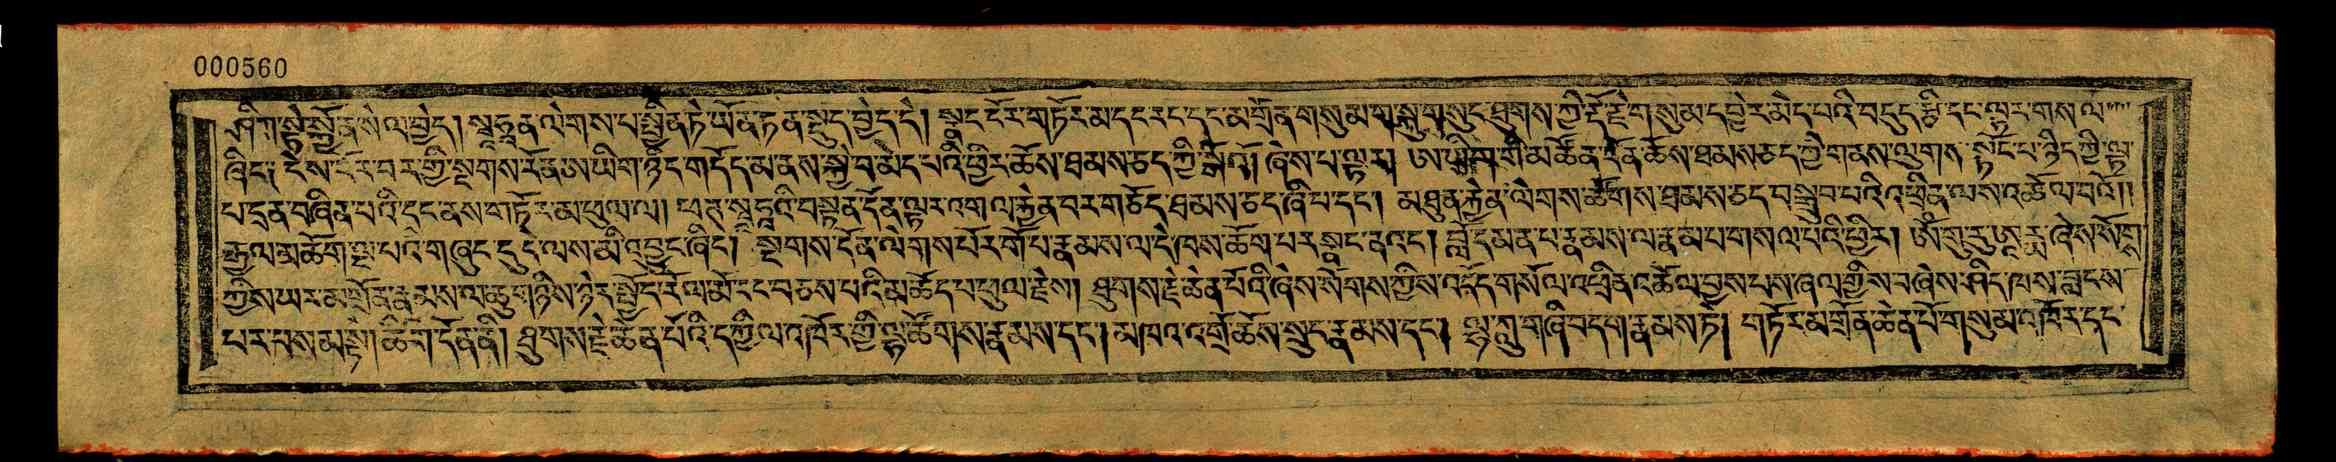ཤིག་སྟེ་སྐྱོན་སེལ་བྱེད། སྭཱ་ཧཱ་ནི་ལེགས་པ་སྦྱིན་ཏེ་ཡོན་ཏན་སྡུད་བྱེད་དེ། སྣང་དོར་གཏོར་མ་དང་རང་དང་མགྲོན་གསུམ་ག་སྐུ་གསུང་ཐུགས་ཀྱི་རྡོ་རྗེ་གསུམ་དབྱེར་མེད་པའི་བདུད་རྩི་དང་ལྷར་གསལ་
ཞིང༑ ངེས་ངོར་བར་གྱི་སྔགས་དོན་ཨ་ཡིག་ཉིད་གདོད་མ་ནས་སྐྱེ་བ་མེད་པའི་ཕྱིར་ཆོས་ཐམས་ཅད་ཀྱི་སྒོའོ། ཞེས་པ་ལྟར། ཨ་ཡིག་གི་མཚོན་དོན་ཆོས་ཐམས་ཅད་ཀྱི་གནས་ལུགས་སྟོང་པ་ཉིད་ཀྱི་ལྟ་
བ་དྲན་བཞིན་པའི་ངང་ནས་གཏོར་མ་ཕུལ་ལ། ཕཊ་སྭཱཧཱའི་བསྟན་དོན་ལྟར་འགལ་རྐྱེན་བར་གཅོད་ཐམས་ཅད་ཞི་བ་དང་། མཐུན་རྐྱེན་ལེགས་ཚོགས་ཐམས་ཅད་བསྒྲུབ་པའི་འཕྲིན་ལས་འཆོལ་བའོ།།
རྒྱལ་མཆོག་ལྔ་པའི་གཞུང་དུ་དེ་ལས་མི་འབྱུང་ཞིང་། སྔགས་དོན་ལེགས་པོར་གོ་བ་རྣམས་པ་དེ་ཁས་ཆོག་པར་སྣང་ནའང་། བློ་དམན་པ་རྣམས་ལ་རྣམ་པ་གསལ་བའི་ཕྱིར། ཨོཾ་གུ་རུ་ཨཱརྱ་ཞེས་སོགས་
ཀྱིས་ཡར་མགྲོན་རྣམས་ལ་ཆུ་གཉིས་ཉེར་སྤྱོད་རོལ་མོ་དང་བཅས་པའི་མཆོད་པ་ཕུལ་རྗེས། ཐུགས་རྗེ་ཆེན་པོའི་ཞེས་སོགས་ཀྱིས་འདོད་གསོལ་འཕྲིན་འཆོལ་བྱས་པས་ཞལ་གྱིས་བཞེས་ཤིང་ཁས་བླངས་
པར་བསམ་སྟེ། ཚིག་དོན་ནི། ཐུགས་རྗེ་ཆེན་པོའི་དཀྱིལ་འཁོར་གྱི་ལྷ་ཚོགས་རྣམས་དང་། མཁའ་འགྲོ་ཆོས་སྲུང་རྣམས་དང་། ལྷ་ཀླུ་གཞི་བདག་རྣམས་ཏེ། གཏོར་མགྲོན་ཚན་པ་གསུམ་འཁོར་དང་